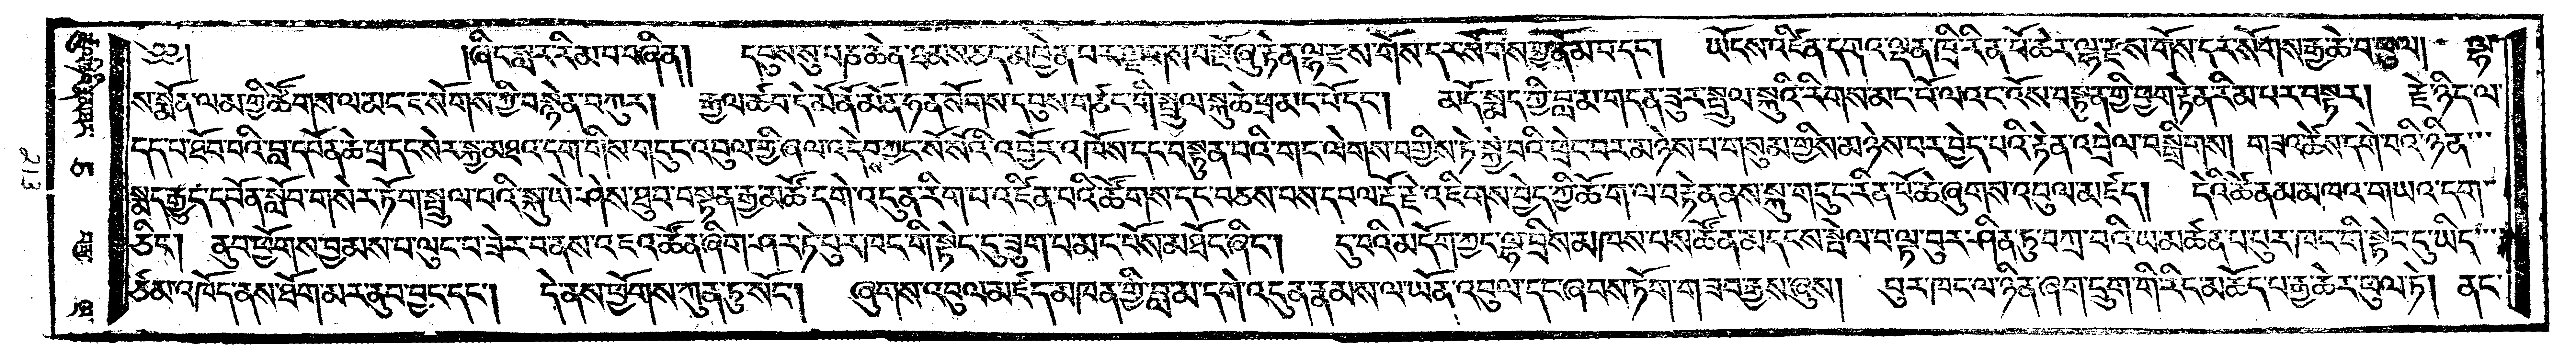༄༅། །ཞིང་སླར་རིམ་པ་བཞིན། དབུས་སུ་པཎ་ཆེན་ཐམས་ཅད་མཁྱེན་པར་ལྗགས་བསྔོ་ཞུ་རྟེན་ལྷ་རྫས་གོས་དར་སོགས་ཕྱ་ནོམ་པ་དང་། ཡོངས་འཛིན་དགའ་ལྡན་ཁྲི་རིན་པོ་ཆེར་ལྷ་རྫས་གོས་དར་སོགས་རྒྱ་ཆེ་བ་ཕུལ། ལྷ་
ས་སྨོན་ལམ་གྱི་ཚོགས་ལ་མང་ཇ་སོགས་ཀྱི་བསྙེན་བཀུར། རྒྱལ་ཚབ་དེ་མོ་ནོ་མོན་ཧན་སོགས་དབུས་གཙང་གི་སྤྲུལ་སྐུ་ཆེ་ཕྲ་མང་པོ་དང་། མདོ་སྨད་ཀྱི་བླ་མ་གདན་ཟུར་སྤྲུལ་སྐུའི་རིགས་མང་པོ་ལའང་འོས་བསྟུན་གྱི་ཕྱག་རྟེན་རིམ་པར་བསྟར། རྗེ་ཉིད་ལ་
དད་པ་ཐོབ་པའི་བླ་དཔོན་ཆེ་ཕྲ་དང་སེར་སྐྱ་མཐའ་དག་གིས་གདུང་འབུལ་གྱི་ཞལ་འདེབས་ཀྱང་སོ་སོའི་འབྱོར་འཁོས་དང་བསྟུན་པའི་གང་ལེགས་བགྱིས་ཏེ་སྐྱེ་བའི་ཕྲེང་བར་མཉེས་པ་གསུམ་གྱིས་མཉེས་པར་བྱེད་པའི་རྟེན་འབྲེལ་བསྒྲིགས། གཟའ་ཚེས་དགེ་བའི་ཉིན་
སྨད་རྒྱུད་དཔོན་སློབ་གསེར་ཏོག་སྤྲུལ་པའི་སྐུ་ཡེ་ཤེས་ཐུབ་བསྟན་རྒྱ་མཚོ་དགེ་འདུན་རིག་པ་འཛིན་པའི་ཚོགས་དང་བཅས་བས་དཔལ་རྡོ་རྗེ་འཇིགས་བྱེད་ཀྱི་ཆོ་ག་ལ་བརྟེན་ནས་སྐུ་གདུང་རིན་པོ་ཆེ་ཞུགས་འབུལ་མཛད། དེའི་ཚེ་ནམ་མཁའ་གཡའ་དག་
ཅིང་། ནུབ་ཕྱོགས་བྱམས་པ་ལུང་པ་ཟེར་བ་ནས་འཇའ་ཚོན་ཞིག་ཤར་ཏེ་པུར་ཁང་གི་སྟེང་དུ་ཟུག་པ་མང་པོས་མཐོང་ཞིང་། དུ་བའི་མདོག་ཀྱང་ལྷ་བྲིས་མཁས་པས་ཚོན་མདངས་སྤེལ་བ་ལྟ་བུར་ཤིན་ཏུ་བཀྲ་བའི་ཡ་མཚན་པ་པུར་ཁང་གི་སྟེང་དུ་ཡིད་
ཙམ་འཁོད་ནས་ཐོག་མར་ནུབ་བྱང་དང་། དེ་ནས་ཕྱོགས་ཀུན་ཏུ་སོང་། ཞུགས་འབུལ་མཛད་མཁན་གྱི་བླ་མ་དགེ་འདུན་རྣམས་ལ་ཡོན་འབུལ་དང་ཞབས་ཏོག་གཟབ་རྒྱས་ཞུས། པུར་ཁང་ལ་ཉིན་ཞག་དྲུག་གི་རིང་མཆོད་པ་རྒྱ་ཆེར་ཕུལ་ཏེ། ནང་